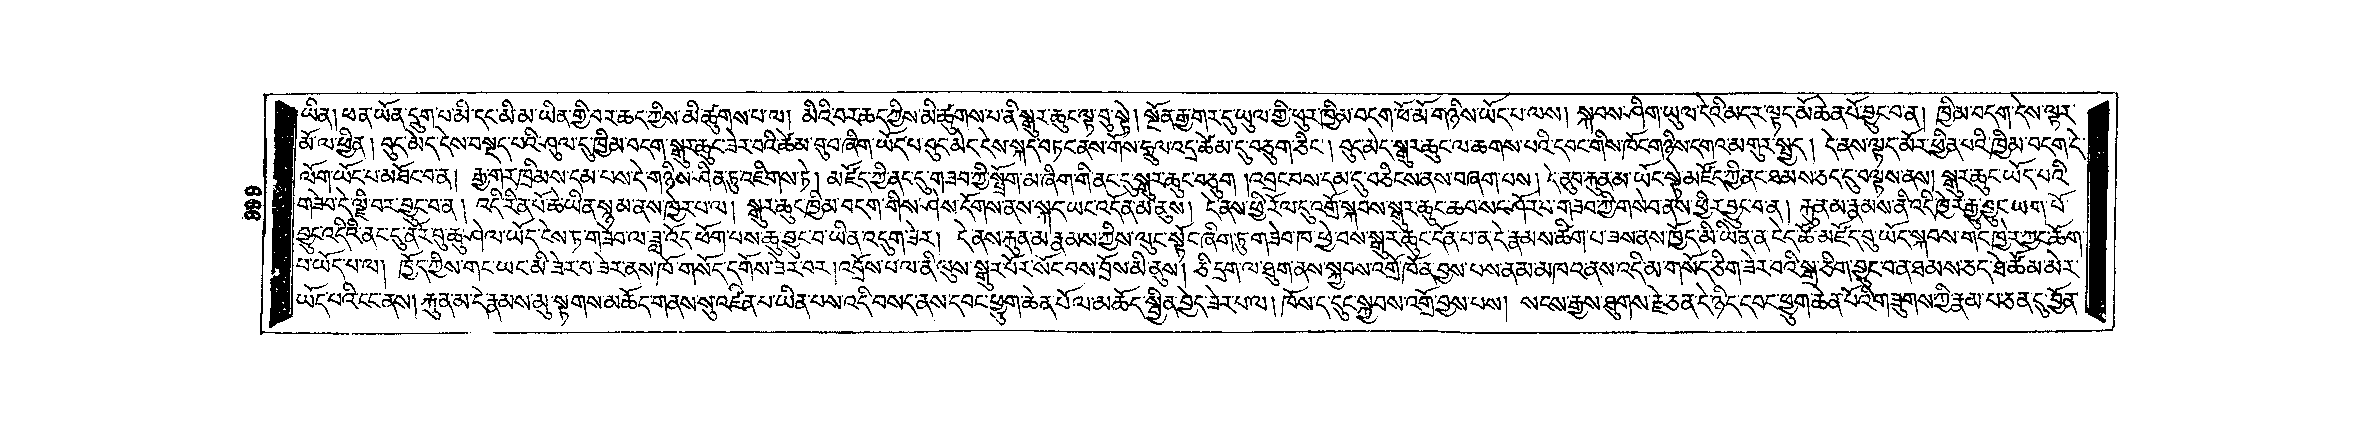ཡིན། ཕན་ཡོན་དྲུག་པ་མི་དང་མི་མ་ཡིན་གྱི་བར་ཆད་ཀྱིས་མི་ཚུགས་པ་ལ། མིའི་བར་ཆད་ཀྱིས་མི་ཚུགས་པ་ནི་སྒུར་ཆུང་ལྟ་བུ་སྟེ། སྔོན་རྒྱ་གར་དུ་ཡུལ་གྱི་ཕུར་ཁྱིམ་བདག་ཕོ་མོ་གཉིས་ཡོད་པ་ལས། སྐབས་ཤིག་ཡུལ་དེའི་མདར་ལྟད་མོ་ཆེན་པོ་བྱུང་བ་ན། ཁྱིམ་བདག་དེས་ལྟར་
མོ་ལ་ཕྱིན། བུད་མེད་དེས་བསྡད་པའི་ཤུལ་དུ་ཁྱིམ་བདག་སྒུར་ཆུང་ཟེར་བའི་ཚེམ་བུ་བ་ཞིག་ཡོད་པ་བུད་མེད་དེས་སྐད་བཏང་ནས་གོས་ཧྲུལ་འདྲ་ཚེམ་དུ་བཅུག་ཅིང་། བུད་མེད་སྒུར་ཆུང་ལ་ཆགས་པའི་དབང་གིས་ཁོང་གཉིས་དགའ་མགུར་སྤྱད། དེ་ནས་ལྟད་མོར་ཕྱིན་པའི་ཁྱིམ་བདག་དེ་
ལོག་ཡོང་པ་མཐོང་བ་ན། རྒྱ་གར་ཁྲིམས་དམ་པས་དེ་གཉིས་ཤིན་ཏུ་འཇིགས་ཏེ། མཛོད་ཀྱི་ནང་དུ་གཟབ་ཀྱི་སྤྲོག་མ་ཞིག་གི་ནང་དུ་སྒུར་ཆུང་བཅུག །འབྲང་བས་དམ་དུ་བཅིངས་ནས་བཞག་པས། དེ་ནུབ་རྐུན་མ་ཡོང་སྟེ་མཛོད་ཀྱི་ནང་ཐམས་ཅད་དུ་བལྟས་ནས། སྒུར་ཆུང་ཡོད་པའི་
གཟེབ་དེ་ལྗི་བར་བྱུང་བ་ན། འདི་རིན་པོ་ཆེ་ཡིན་སྙམ་ནས་ཁྱེར་པ་ལ། སྒུར་ཆུང་ཁྱིམ་བདག་གིས་ཤེས་དོགས་ནས་སྐད་ཡང་འདོན་མི་ནུས། དེ་ནས་ཕྱི་རོལ་དུ་འགྲོ་སྐབས་སྒུར་ཆུང་ཆབ་སང་ཤོར་བ་གཟབ་ཀྱི་གསེབ་ནས་ཕྱིར་བྱུང་བ་ན། རྐུན་མ་རྣམས་ནི་འདི་ཁྱེར་རྒྱུ་བྱུང་ཡག་པོ་
བྱུང་འདིའི་ནང་དུ་ནོར་བུ་ཆུ་ཤེལ་ཡོད་ངེས་ཏ་གཟེབ་ལ་ཟླ་འོད་ཕོག་པས་ཆུ་བྱུང་བ་ཡིན་འདུག་ཟེར། དེ་ནས་རྐུན་མ་རྣམས་ཀྱིས་ལུང་སྟོང་ཞིག་ཏུ་གཟེབ་ཁ་ཕྱེ་བས་སྒུར་ཆུང་དོན་པ་ན་དེ་རྣམས་ཚིགས་པ་ཟས་ནས་ཁྱོད་མི་ཡིན་ན་ངེད་ཚོ་མཛོད་དུ་ཡོད་སྐབས་གང་ཁྱེར་ཀྱང་ཆོག་
པ་ཡོད་པ་ལ། ཁྱོད་ཀྱིས་གང་ཡང་མི་ཟེར་བ་ཟེར་ནས་ཁོ་གསོད་དགོས་ཟེར་བར། འབྲོས་པ་ལ་ནི་ལུས་སྒུར་པོར་སོང་བས་བྲོས་མི་ནུས། ཅི་དྲག་ལ་ཐུག་ནས་སྐྱབས་འགྲོ་ཁོ་ན་བྱས་པས་ནམ་མཁའ་ནས་འདི་མ་གསོད་ཅིག་ཟེར་བའི་སྒྲ་ཅིག་བྱུང་བ་ན་ཐམས་ཅད་ཐེ་ཚོམ་མེར་
ཡོད་པའི་ངང་ནས། རྐུན་མ་དེ་རྣམས་མུ་སྟགས་མཆོད་གནས་སུ་འཛིན་པ་ཡིན་པས་འདི་བསད་ནས་དབང་ཕྱུག་ཆེན་པོ་ལ་མཆོད་སྦྱིན་བྱེད་ཟེར་པ་ལ། ཁོས་ད་དུང་སྐྱབས་འགྲོ་བྱས་པས། སངས་རྒྱས་ཐུགས་རྗེ་ཅན་དེ་ཉིད་དབང་ཕྱུག་ཆེན་པོའི་གཟུགས་ཀྱི་རྣམ་པ་ཅན་དུ་བྱོན་